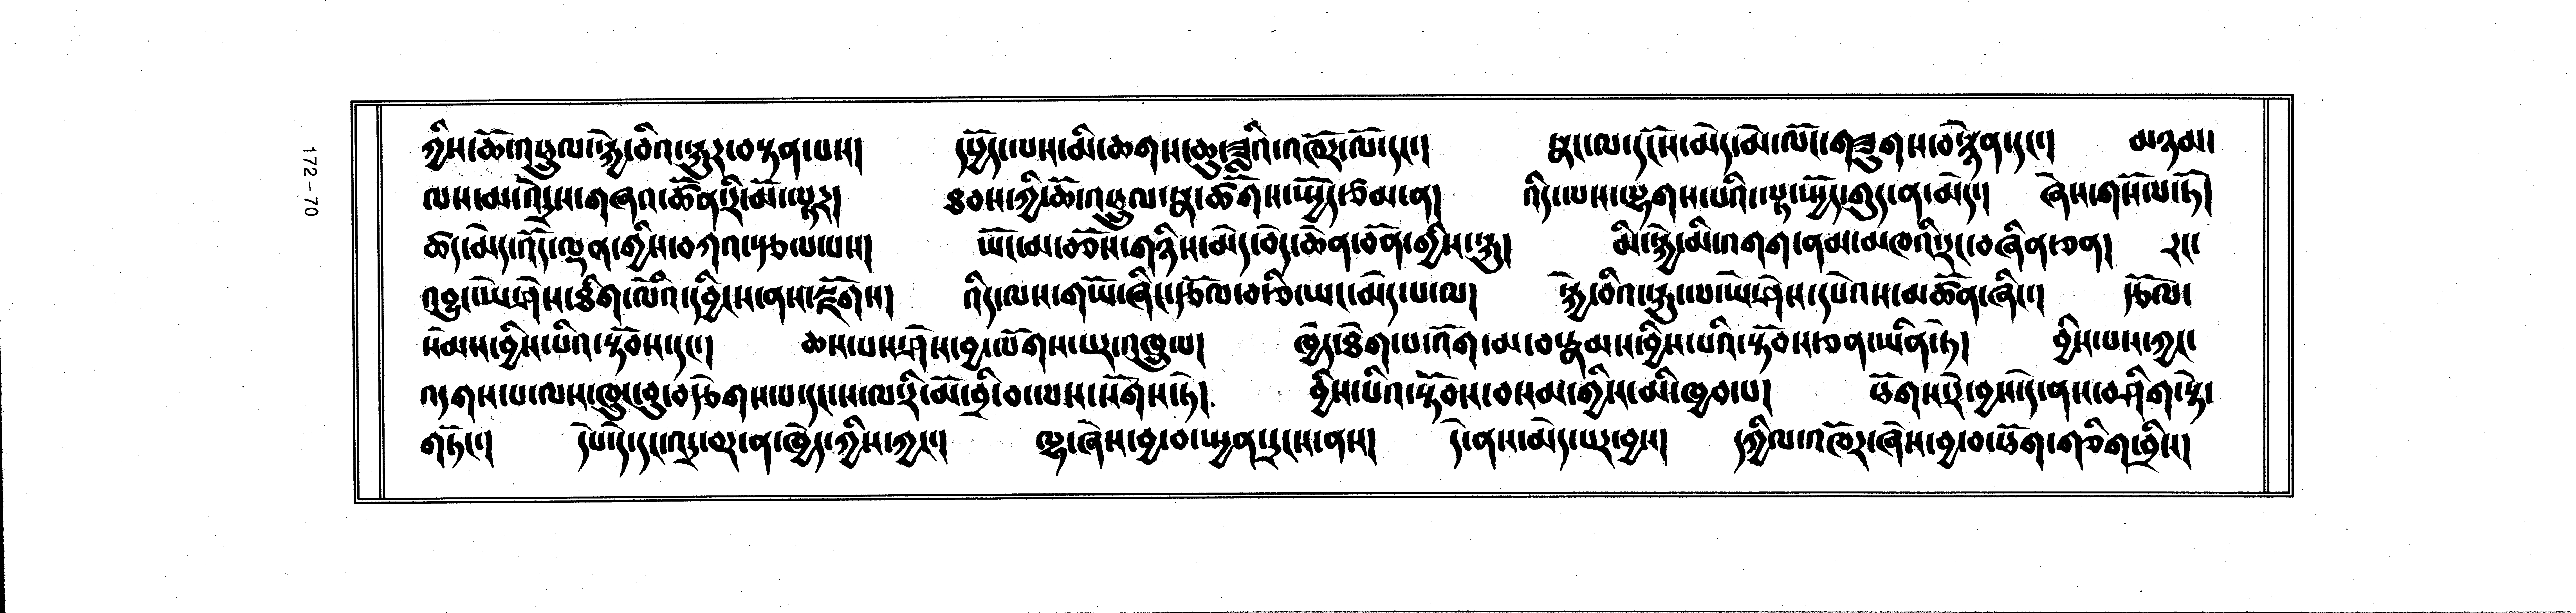ཀྱིས་ཆོ་འཕྲུལ་སྐྱེ་བའི་སྐུར་བསྟན་པས། དཔྱོད་ལས་མི་ཆགས་ཆུ་ཟླའི་འཁོར་ལོ་དང་། སྣང་ལ་དངོས་མེད་མེ་ལོང་གཟུགས་བསྙེན་དང་། མཉམ་
ལས་མ་འདྲེས་གཞའ་ཚོན་རི་མོ་ལྟར། ཐབས་ཀྱི་ཆོ་འཕྲུལ་སྣ་ཚོགས་སྤྱོད་ཙམ་ན། འདི་ལས་ལྷགས་པའི་ལྟ་སྤྱོད་གུད་ན་མེད། ཞེས་གསོལ་ཏོ། 
ཚད་མེད་འོད་ལྡན་གྱིས་བཀའ་སྩལ་པས། ཡོང་མ་བཅོས་གཉིས་མེད་བདེ་ཆེན་བོན་གྱིས་སྐུ། མི་སྐྱེ་མི་འགག་ནམ་མཁའི་རང་བཞིན་ཅན། རང་
འབྱུང་ཡེ་ཤེས་ཐིག་ལེའི་དབྱིངས་ནས་རྫོགས། འདི་ལས་གཡོ་ཞིང་རྩོལ་བ་ཅི་ཡང་མེད་པ་ལ། སྐྱེ་བའི་སྐུ་ལ་ཡེ་ཤེས་དཔེའས་མཚོན་ཞིང་། རྩོལ་
སེམས་བྱིས་པའི་སྟོབས་དང་། ཆས་པས་ཤེས་བྱ་ལོགས་པར་འཁྲུལ། ཁྱེད་ཐེག་པ་འོག་མ་བ་རྣམས་བྱིས་པའི་སྟོབས་ཅན་ཡིན་ཏེ། བྱིས་པས་ཀྱང་
འདགས་པ་ལས་ཁུང་བུ་བརྩེགས་པ་དང་ས་ལ་རི་མོ་བྲི་བ་ལས་སོགས་ཏེ། བྱིས་པའི་སྟོབས་བསམ་གྱིས་མི་ཁྱབ་པ། ཕོགས་རེ་བྱས་དེ་ནས་བཤིག་སྟེ་
གཏོང་། དཔེ་དེ་དང་འདྲ་བར་ན་ཁྱེད་ཀྱིས་ཀྱང་། ལྷ་ཞེས་བྱ་བ་སྤྱན་དྲངས་ནས། དེ་ནས་མེད་པར་བྱས། དཀྱིལ་འཁོར་ཞེས་བྱ་བ་ཕོག་གཅིག་བྲིས།